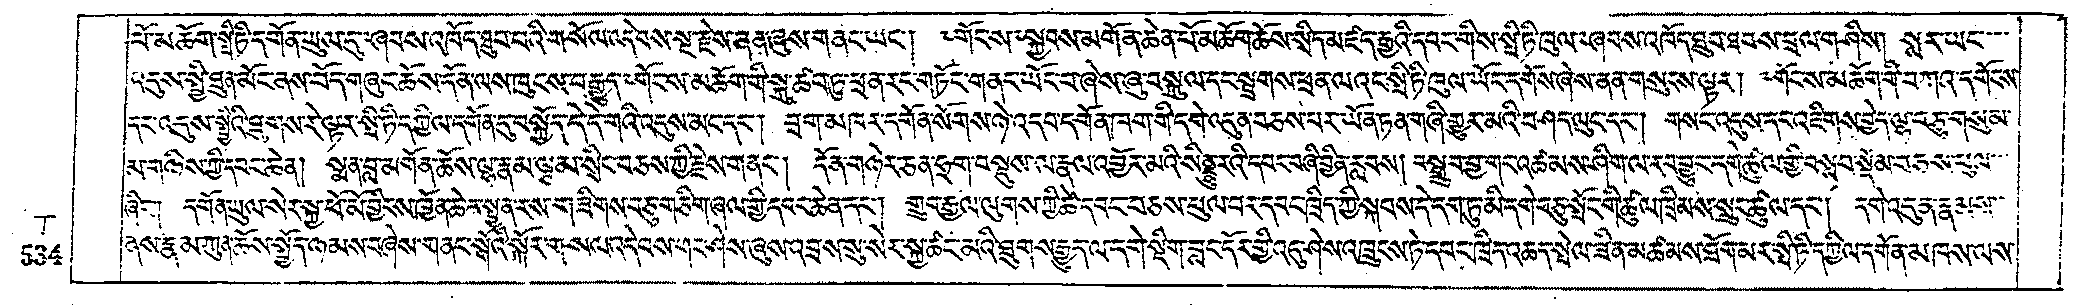པོ་མཆོག་སྤི་ཏི་དགོན་ཡུལ་དུ ༧ཞབས་འཁོད་ཐུབ་པའི་གསོལ་འདེབས་སྔ་རྗེས་ནན་ཞུས་གནང་ཡང་། ༧གོང་ས ༧སྐྱབས་མགོན་ཆེན་པོ་མཆོག་ཆོས་སྲིད་མཛད་རྒྱའི་དབང་གིས་སྤི་ཏི་ཁུལ ༧ཞབས་འཁོད་ཐུབ་ཐབས་བྲལ་གཤིས། སླར་ཡང་་་
འདུས་སྤྱི་ཐུན་མོང་ནས་བོད་གཞུང་ཆོས་དོན་ལས་ཁུངས་བརྒྱུད ༧་གོང་ས་མཆོག་གི་སྐུ་ཚབ་ཏུ་ཕྲན་རང་གཏོང་གནང་ཡོང་བ་ཞེས་ཞུ་བསྐུལ་དང་སྦྲགས་ཕྲན་ལའང་སྤི་ཏི་ཁུལ་ཡོང་དགོས་ཞེས་ནན་གསུངས་ལྟར། ༧གོང་ས་མཆོག་གི་བཀའ་དགོངས་
དང་འདུས་སྤྱིའི་ཐུགས་རེ་ལྟར་སྤི་ཏི་དཀྱིལ་དགོན་དུ་བསྐྱོད་དེ་དེ་གའི་འདུས་མང་དང་། བྲག་མཁར་དགོན་སོགས་ཉེ་འདབ་དགོན་ཁག་གི་དགེ་འདུན་བཅས་པར་ཡོན་ཏན་གཞི་གྱུར་མའི་བཤད་ལུང་དང་། གསང་འདུས་དང་འཇིགས་བྱེད་ལྷ་བཅུ་གསུམ་
མ་གཉིས་ཀྱི་དབང་ཆེན། སྨན་བླ་མགོན་ཆོས་ལྷ་རྣམ་ལྕམ་སྲིང་བཅས་ཀྱི་རྗེས་གནང་། དོན་གཉེར་ཅན་ཧྲག་བསྡུས་ལ་རྣལ་འབྱོར་མའི་སིནྡྷུ་རའི་དབང་བཞི་བྱིན་རླབས། བསྒྲུབ་བྱ་གང་འཚམས་ཤིག་ལ་རབ་བྱུང་དགེ་ཚུལ་གྱི་བསླབ་སྡོམ་བཅས་ཕུལ་་་
ཞིང་། དགོན་ཡུལ་སེར་སྐྱ་ཕོ་མོ་བྱིངས་ཁྱོན་ཆེན་སྤྱན་རས་གཟིགས་བཅུ་གཅིག་ཞལ་གྱི་དབང་ཆེན་དང་། གྲུབ་རྒྱལ་ལུགས་ཀྱི་ཚེ་དབང་བཅས་ཕུལ་བར་དབང་ཁྲིད་ཀྱི་སྐབས་དེ་དག་ཏུ་མི་དགེ་བཅུ་སྤོང་གི་ཚུལ་ཁྲིམས་སྲུང་ཚུལ་དང་། དགེ་འདུན་རྣམྶ་་་
ནས་རྣམ་ཀུན་ཆོས་སྤྱོད་ཉམས་བཞེས་གནང་སྒོའི་སྐོར་གསལ་འདེབས་གང་ཤེས་ཞུས་འབྲས་སུ་སེར་སྐྱ་ཚང་མའི་ཐུགས་རྒྱུད་ལ་དགེ་སྡིག་བླང་དོར་གྱི་འདུ་ཤེས་འཁྲུངས་ཏེ་དབང་ཁྲིད་ལ་དགེ་སྡིག་བླང་དོར་གྱི་འདུ་ཤེས་འཁྲུངས་ཏེ་དབང་ཁྲིད་